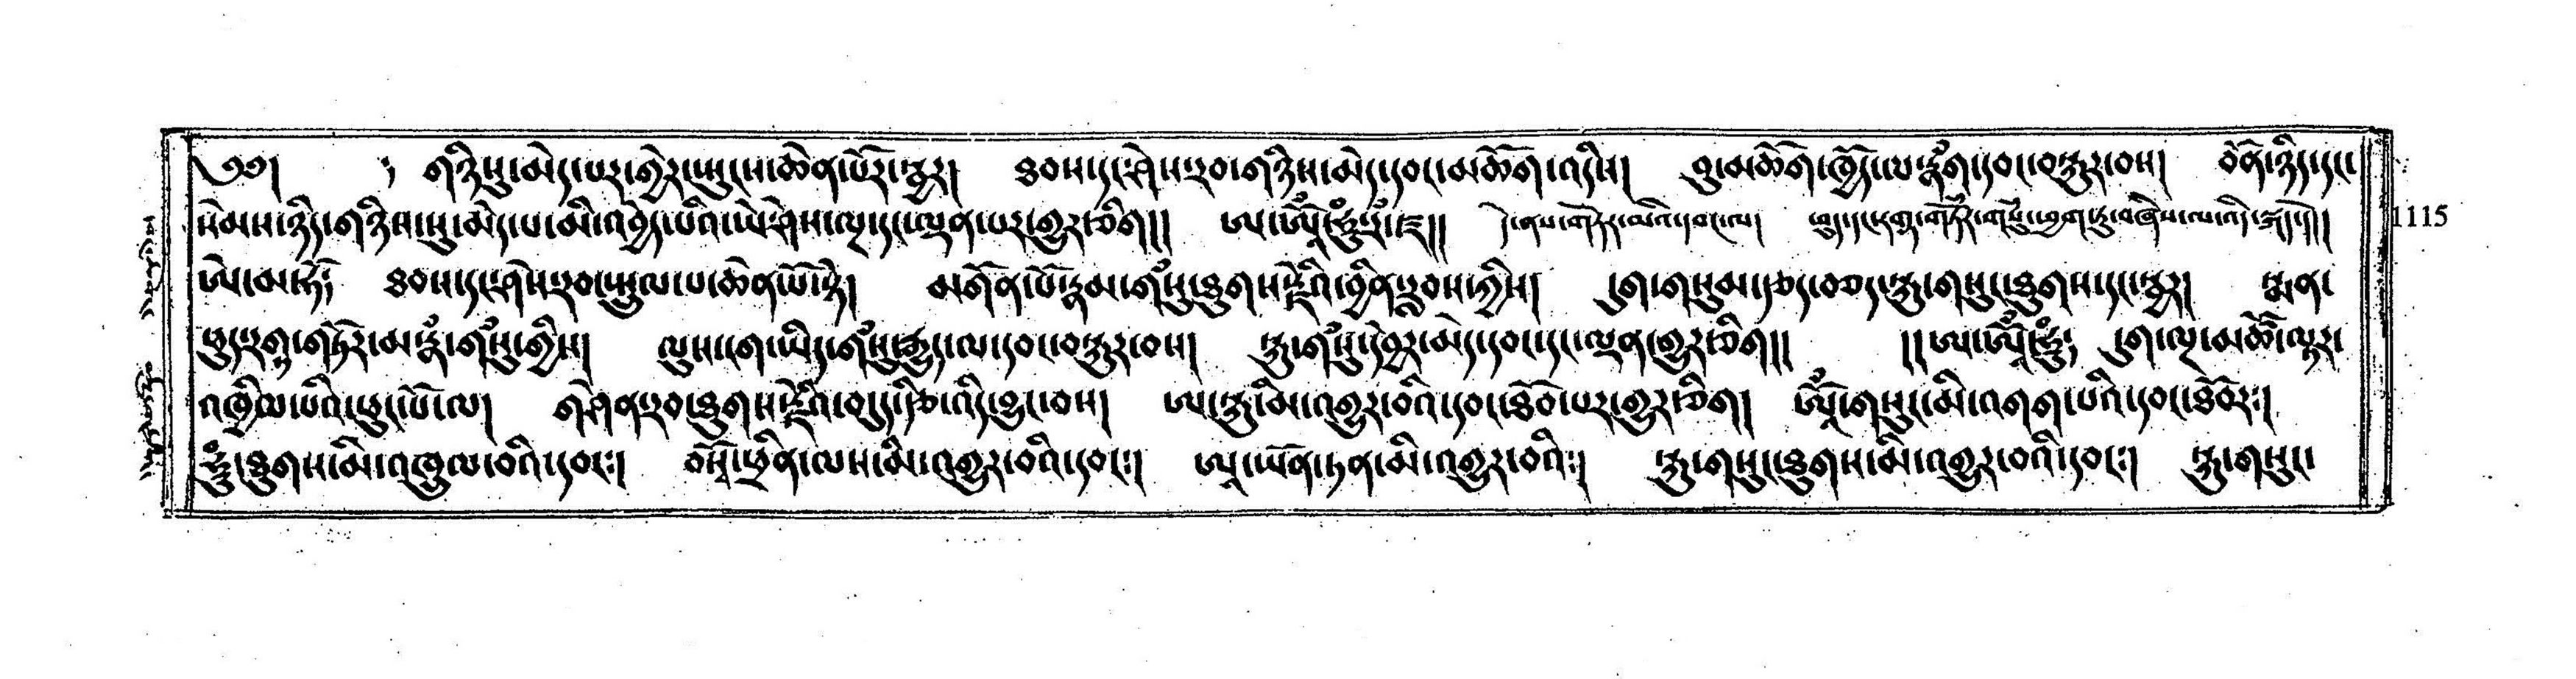གཉིས་སུ་མེད་པར་གྱེར་སྤུངས་ཆེན་པོར་སྦྱར། ཐབས་དང་ཤེས་རབ་གཉིས་མེད་དབང་མཆོག་འདིས། བུ་མཆོག་ཁྱོད་ལ་རྣམ་དག་དབང་བསྐུར་བས། བོན་ཉིད་དང་
སེམས་ཉིད་གཉིས་སུ་མེད་པ་མི་འབྱེད་པའི་ཡེ་ཤེས་ལྔ་དང་ལྡན་པར་གྱུར་ཅིག ཨ་ཨཱོྃ་ཧཱུྃ་རཾ་ཛ།། དེ་ནས་གཏོར་མའི་དབང་ལ། ཕུད་དང་རགྟ་གཏོར་མ་གསུམ་ཕྱག་ཏུ་བཞེས་ལ་འདི་སྐད་དོ། །།
ཨེ་མ་ཧོ། ཐབས་དང་ཤེས་རབ་སྤྲུལ་པ་ཆེན་པོ་སྟེ། མགོན་པོ་རྣམ་གསུམ་ཐུགས་རྗེའི་བྱིན་རླབས་ཀྱིས། དུག་གསུམ་རྩད་བཅད་སྐུ་གསུང་ཐུགས་དང་སྦྱར། སྨན་
ཕུད་རགྟ་གཏོར་མ་རྣམ་གསུམ་གྱིས། ལུས་ངག་ཡིད་གསུམ་རྒྱུད་ལ་དབང་བསྐུར་བས། སྐུ་གསུམ་དབྱེར་མེད་དབང་དང་ལྡན་གྱུར་ཅིག །།ཨ་ཨཱོཾ་ཧཱུྃ། དུག་ལྔ་མཚོ་ལྟར་
འཁྱིལ་པའི་ཕུང་པོ་ལ། གཤེན་རབ་ཐུགས་རྗེའི་བདུད་རྩི་འདི་བྱུང་བས། ཨ་སྐུ་མི་འགྱུར་{1136}བའི་དབང་ཐོབ་པར་གྱུར་ཅིག ཨཱོཾ་གསུང་མི་འགག་པའི་དབང་ཐོབ་པར༴། 
ཧཱུྃ་ཐུགས་མི་འགྱུར་འཁྲུལ་བའི་དབང་༴། བསྭོ་ཕྲིན་ལས་མི་འགྱུར་བས་དབང་༴། ཨཱ་ཡོན་ཏན་མི་འགྱུར་བའི༴། སྐུ་གསུང་ཐུགས་མི་འགྱུར་བའི་དབང་༴། སྐུ་གསུང་